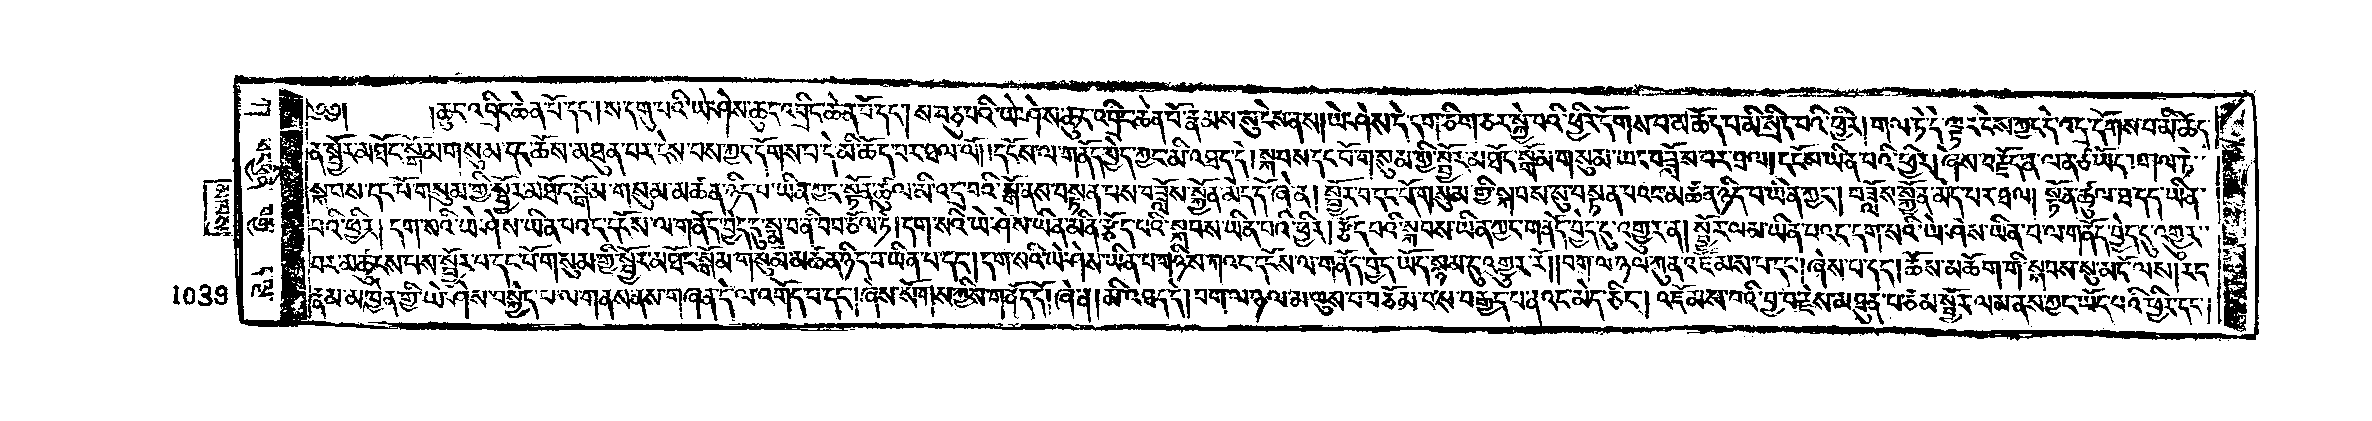༄༅། །ཆུང་འབྲིང་ཆེན་པོ་དང་། ས་དགུ་པའི་ཡེ་ཤེས་ཆུང་འབྲིང་ཆེན་པོ་དང་། ས་བཅུ་པའི་ཡེ་ཤེས་ཆུང་འབྲིང་ཆེན་པོ་རྣམས་སུ་ངེས་ནས། ཡེ་ཤེས་དེ་དག་ཅིག་ཅར་སྐྱེ་བའི་ཕྱིར་དོགས་པ་མཆོད་པ་མི་སྲིད་པའི་ཕྱིར། གལ་ཏེ་དེ་ལྟར་ངེས་ཀྱང་དེ་འདྲ་དོགས་པ་མི་ཆོད་
ན་སྦྱོར་མཐོང་སྒོམ་གསུམ་དང་ཆོས་མཐུན་པར་ངེས་པས་ཀྱང་དོགས་པ་དེ་མི་ཆོད་པར་ཐལ་ལོ། །དངོས་ལ་གནོད་བྱེད་ཀྱང་མི་འཐད་དེ། སྐབས་དང་པོ་གསུམ་གྱི་སྦྱོར་མཐོང་སྒོམ་གསུམ་ཡང་བཟློས་པར་ཐལ། དངོས་ཡིན་པའི་ཕྱིར། ཞེས་བརྗོད་ན་ལན་ཅི་ཡོད། གལ་ཏེ་
སྐབས་དང་པོ་གསུམ་གྱི་སྦྱོར་མཐོང་སྒོམ་གསུམ་མཚན་ཉིད་པ་ཡིན་ཀྱང་སྟོན་ཚུལ་མི་འདྲ་བའི་སྒོ་ནས་བསྟན་པས་བཟློས་སྐྱོན་མེད་དོ་ཞེ་ན། སྦྱོར་བ་དང་པོ་གསུམ་གྱི་སྐབས་སུ་བསྟན་པའང་མཚན་ཉིད་པ་ཡིན་ཀྱང་། བཟློས་སྐྱོན་མེད་པར་ཐལ། སྟོན་ཚུལ་ཐ་དད་ཡིན་
པའི་ཕྱིར། དག་སའི་ཡེ་ཤེས་ཡིན་པའང་དངོས་ལ་གནོད་བྱེད་དུ་སྨྲ་བ་ནི་བབ་ཅོལ་ཏེ། དག་སའི་ཡེ་ཤེས་ཡིན་མིན་རྩོད་པའི་སྐབས་ཡིན་པའི་ཕྱིར། རྩོད་པའི་སྐབས་ཡིན་ཀྱང་གནོད་བྱེད་དུ་འགྱུར་ན། སྦྱོར་ལམ་ཡིན་པའང་དག་སའི་ཡེ་ཤེས་ཡིན་པ་ལ་གནོད་བྱེད་དུ་འགྱུར་
བར་མཚུངས་པས་སྦྱོར་བ་དང་པོ་གསུམ་གྱི་སྦྱོར་མཐོང་སྒོམ་གསུམ་མཚན་ཉིད་པ་ཡིན་པ་དང་། དག་སའི་ཡེ་ཤེས་ཡིན་པ་གཉིས་ཀའང་དངོས་ལ་གནོད་བྱེད་ཡོད་སྙམ་དུ་འགྱུར་རོ། །བག་ལ་ཉལ་ཀུན་འཛོམས་པ་དང་། ཞེས་པ་དང་། ཆོས་མཆོག་གི་སྐབས་སུ་མདོ་ལས། རང་
རྣམ་མཁྱེན་གྱི་ཡེ་ཤེས་བསྐྱེད་པ་ལ་གནས་ནས་གཞན་དེ་ལ་འགོད་པ་དང་། ཞེས་སོགས་ཀྱིས་གནོད་དོ། ཞེ་ན། མི་འཐད་དེ། བག་ལ་ཉལ་མ་ལུས་པ་བཅོམ་པ་ས་བརྒྱད་པ་ནའང་མེད་ཅིང་། འཇོམས་པའི་བྱ་བ་རྗེས་མཐུན་པ་ཙམ་སྦྱོར་ལམ་ནས་ཀྱང་ཡོད་པའི་ཕྱིར་དང་།